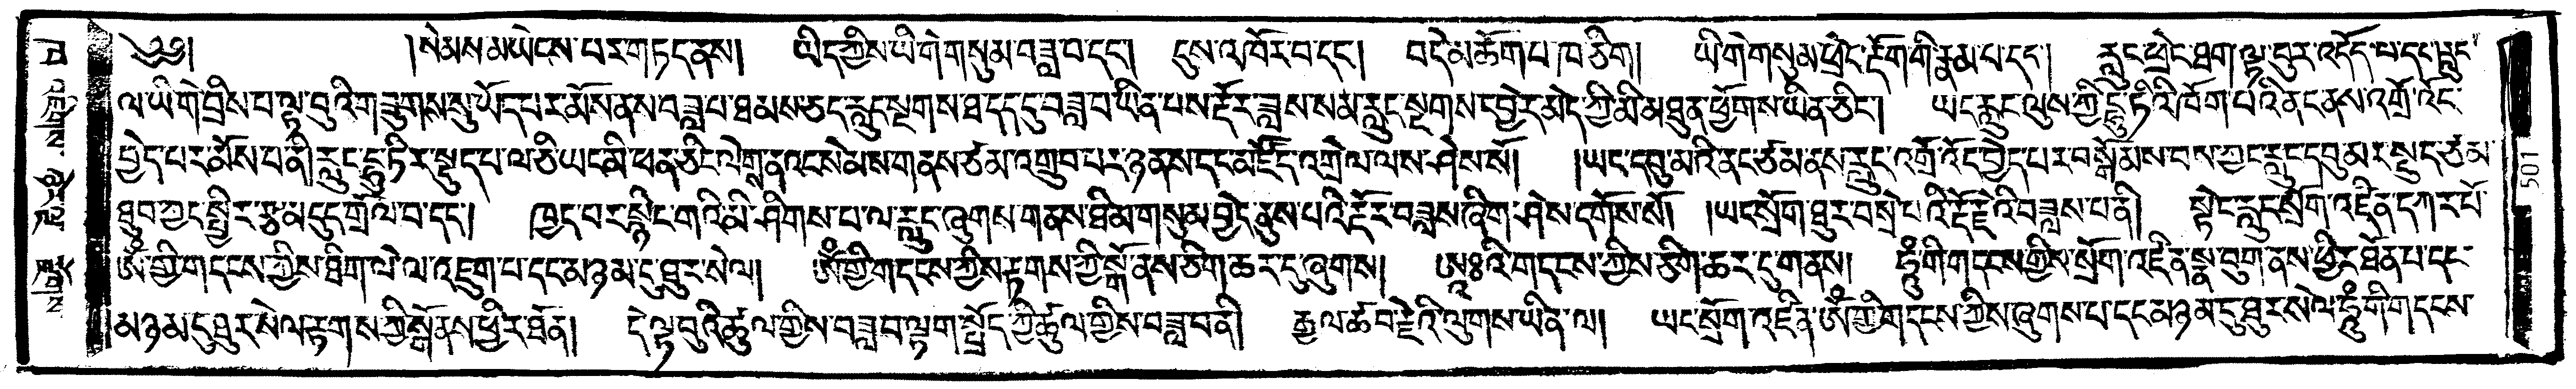༄༅། །སེམས་མ་ཡེངས་པར་གཏད་ནས། ཡིད་ཀྱིས་ཡི་གེ་གསུམ་བཟླ་བ་དང་། དུས་འཁོར་བ་དང་། བདེ་མཆོག་པ་ཁ་ཅིག། ཡི་གེ་གསུམ་ཕྲེང་རྡོག་གི་རྣམ་པ་དང་། རླུང་ཕྲེང་ཐག་ལྟ་བུར་འདོད་པ་དང་རླུང་
ལ་ཡི་གེ་བྲིས་པ་ལྟ་བུའི་གཟུགས་སུ་ཡོད་པར་མོས་ནས་བཟླ་བ་ཐམས་ཅད་རླུང་སྔགས་ཐ་དད་དུ་བཟླ་བ་ཡིན་པས་རྡོར་ཟླས་སམ་རླུང་སྔགས་དབྱེར་མེད་ཀྱི་མི་མཐུན་ཕྱོགས་ཡིན་ཅིང་། ཡང་རླུང་ལུས་ཀྱི་དྷུ་ཏིའི་ཁོག་པའི་ནང་ནས་འགྲོ་འོང་
བྱེད་པར་མོས་པ་ནི། རླུང་དྷུ་ཏིར་སྡུད་པ་ལ་ཅི་ཡང་མི་ཕན་ཅིང་ལེགས་ནའང་སེམས་གནས་ཙམ་འགྲུབ་པར་ཉན་ས་དང་མཛོད་འགྲེལ་ལས་ཤེས་སོ། །ཡང་དབུ་མའི་ནང་ཙམ་ནས་རླུང་འགྲོ་འོང་བྱེད་པར་བསྒོམས་པས་ཀྱང་རླུང་དབུ་མར་སྡུད་ཙམ་
ཐུབ་ཀྱང་སྤྱིར་རྩ་མདུད་གྲོལ་བ་དང་། ཁྱད་པར་སྙིང་གའི་མི་ཤིགས་པ་ལ་རླུང་ཞུགས་གནས་ཐིམ་གསུམ་བྱེད་ནུས་པའི་རྡོར་བཟླས་ཞིག་ཤེས་དགོས་སོ། །ཡང་སྲོག་ཐུར་བསྲེ་པའི་རྡོ་རྗེའི་བཟླས་པ་ནི། སྟེང་རླུང་སྲོག་འཛིན་དཀར་པོ་
ཨོཾ་གྱི་གདངས་ཀྱིས་ཐིག་ལེ་ལ་འཇུག་པ་དང་མཉམ་དུ་ཐུར་སེལ། ཨོཾ་གྱི་གདངས་ཀྱིས་རྟགས་ཀྱི་སྒོ་ནས་ཅིག་ཆར་དུ་ཞུགས། ཨཱཿའི་གདངས་ཀྱིས་ཅིག་ཆར་དུ་གནས། ཧཱུཾ་གི་གདངས་གྱིས་སྲོག་འཛིན་སྣ་བུག་ནས་ཕྱིར་ཐོན་པ་དང་
མཉམ་དུ་ཐུར་སེལ་རྟགས་ཀྱི་སྒོ་ནས་ཕྱིར་ཐོན། དེ་ལྟ་བུའི་ཚུལ་གྱིས་བཟླ་བ་ལྟག?་སྤྲོད་ཀྱི་ཚུལ་གྱིས་བཟླ་བ་ནི། རྒྱལ་ཚབ་རྗེའི་ལུགས་ཡིན་ལ། ཡང་སྲོག་འཛིན་ཨོཾ་གྱི་གདངས་ཀྱིས་ཞུགས་པ་དང་མཉམ་དུ་ཐུར་སེལ་ཧཱུཾ་གི་གདངས་